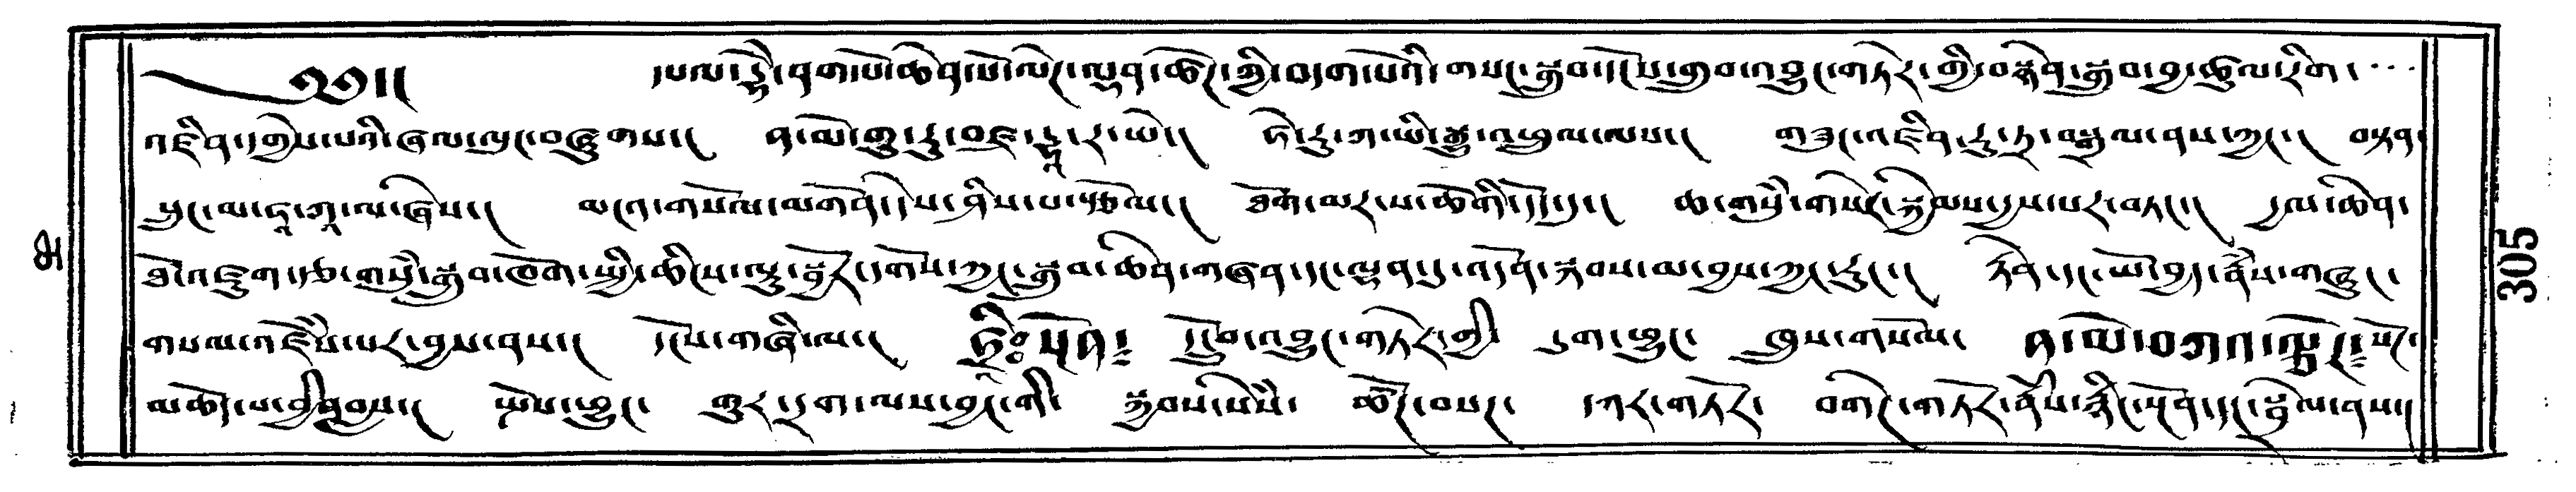༄༅། དཔལ་རྡོ་རྗེ་ནག་པོ་ཆེན་པོ་ལེགས་ལྡན་ཚོགས་ཀྱི་བདག་པོའི་གསང་སྒྲུབ་དངོས་གྲུབ་འབྱུང་གཏེར་གྱི་བསྙེན་སྒྲུབ་བྱ་ཚུལ་རིག་
འཛིན་དགྱེས་པའི་ཞལ་ལུང་བཞུགས། ན་མོ་གུ་རུ་བཛྲ་དྷཱ་ར་ཡེ། ཧེ་རུ་ཀ་ཡི་སྒྱུ་འཕྲུལ་ལས། །གཟུང་འཛིན་རུ་ཏྲ་བསྒྲལ་ནས་ཀྱང་། །བསྟན་
སྲུང་མ་ཧཱ་ཀཱ་ལ་ཞེས། །མངའ་གསོལ་མགོན་དེས་ཤིས་པ་སྩོལ།ཐོག་མར་ས་ཆོག་གི་དོད་དུ། ཆ་གསུམ་གསེར་སྐྱེམས་རྒྱས་པར་བཏང་། རྒྱལ་ཆེན་
ཐོ་འཛུག་རྩ་གསུམ་སྒྲུབ་ཁོག་སྤྱི་ཆིངས་ལྟ་བུ་སྦྱོར་དགོས་ཀྱང་སྒྲུབ་ཆེན་གཞན་དང་ལྷན་དུ་འདོན་སྐབས་མ་བྱས་ཀྱང་རུང་། རྟེན་དང་ཡོ་བྱད་རྣམས་གཞུང་
གསལ་འཛོམས་པར་བྱས་ནས། དངོས་གཞི་ལ། ཧྲཱིཿསྔོན༴ དངོས་གྲུབ་འབྱུང་གཏེར་གྱི། དུག་ཕྱུང་། ཁྲུས་གསོལ། ན་མོ་བཀའ་གཅོག༴ སོགས་
མཆོད་པ་བྱིན་རླབས། སྤོས་ཕྱུང་། གུར་དྲག་ལས་བྱང་གི་སྐྱབས་སེམས། ཚོགས་བསགས། དཀར་གཏོར། བགེགས་གཏོར་རྣམས་རྙིང་སྔོན་དང་སྦྲེལ་ནས།